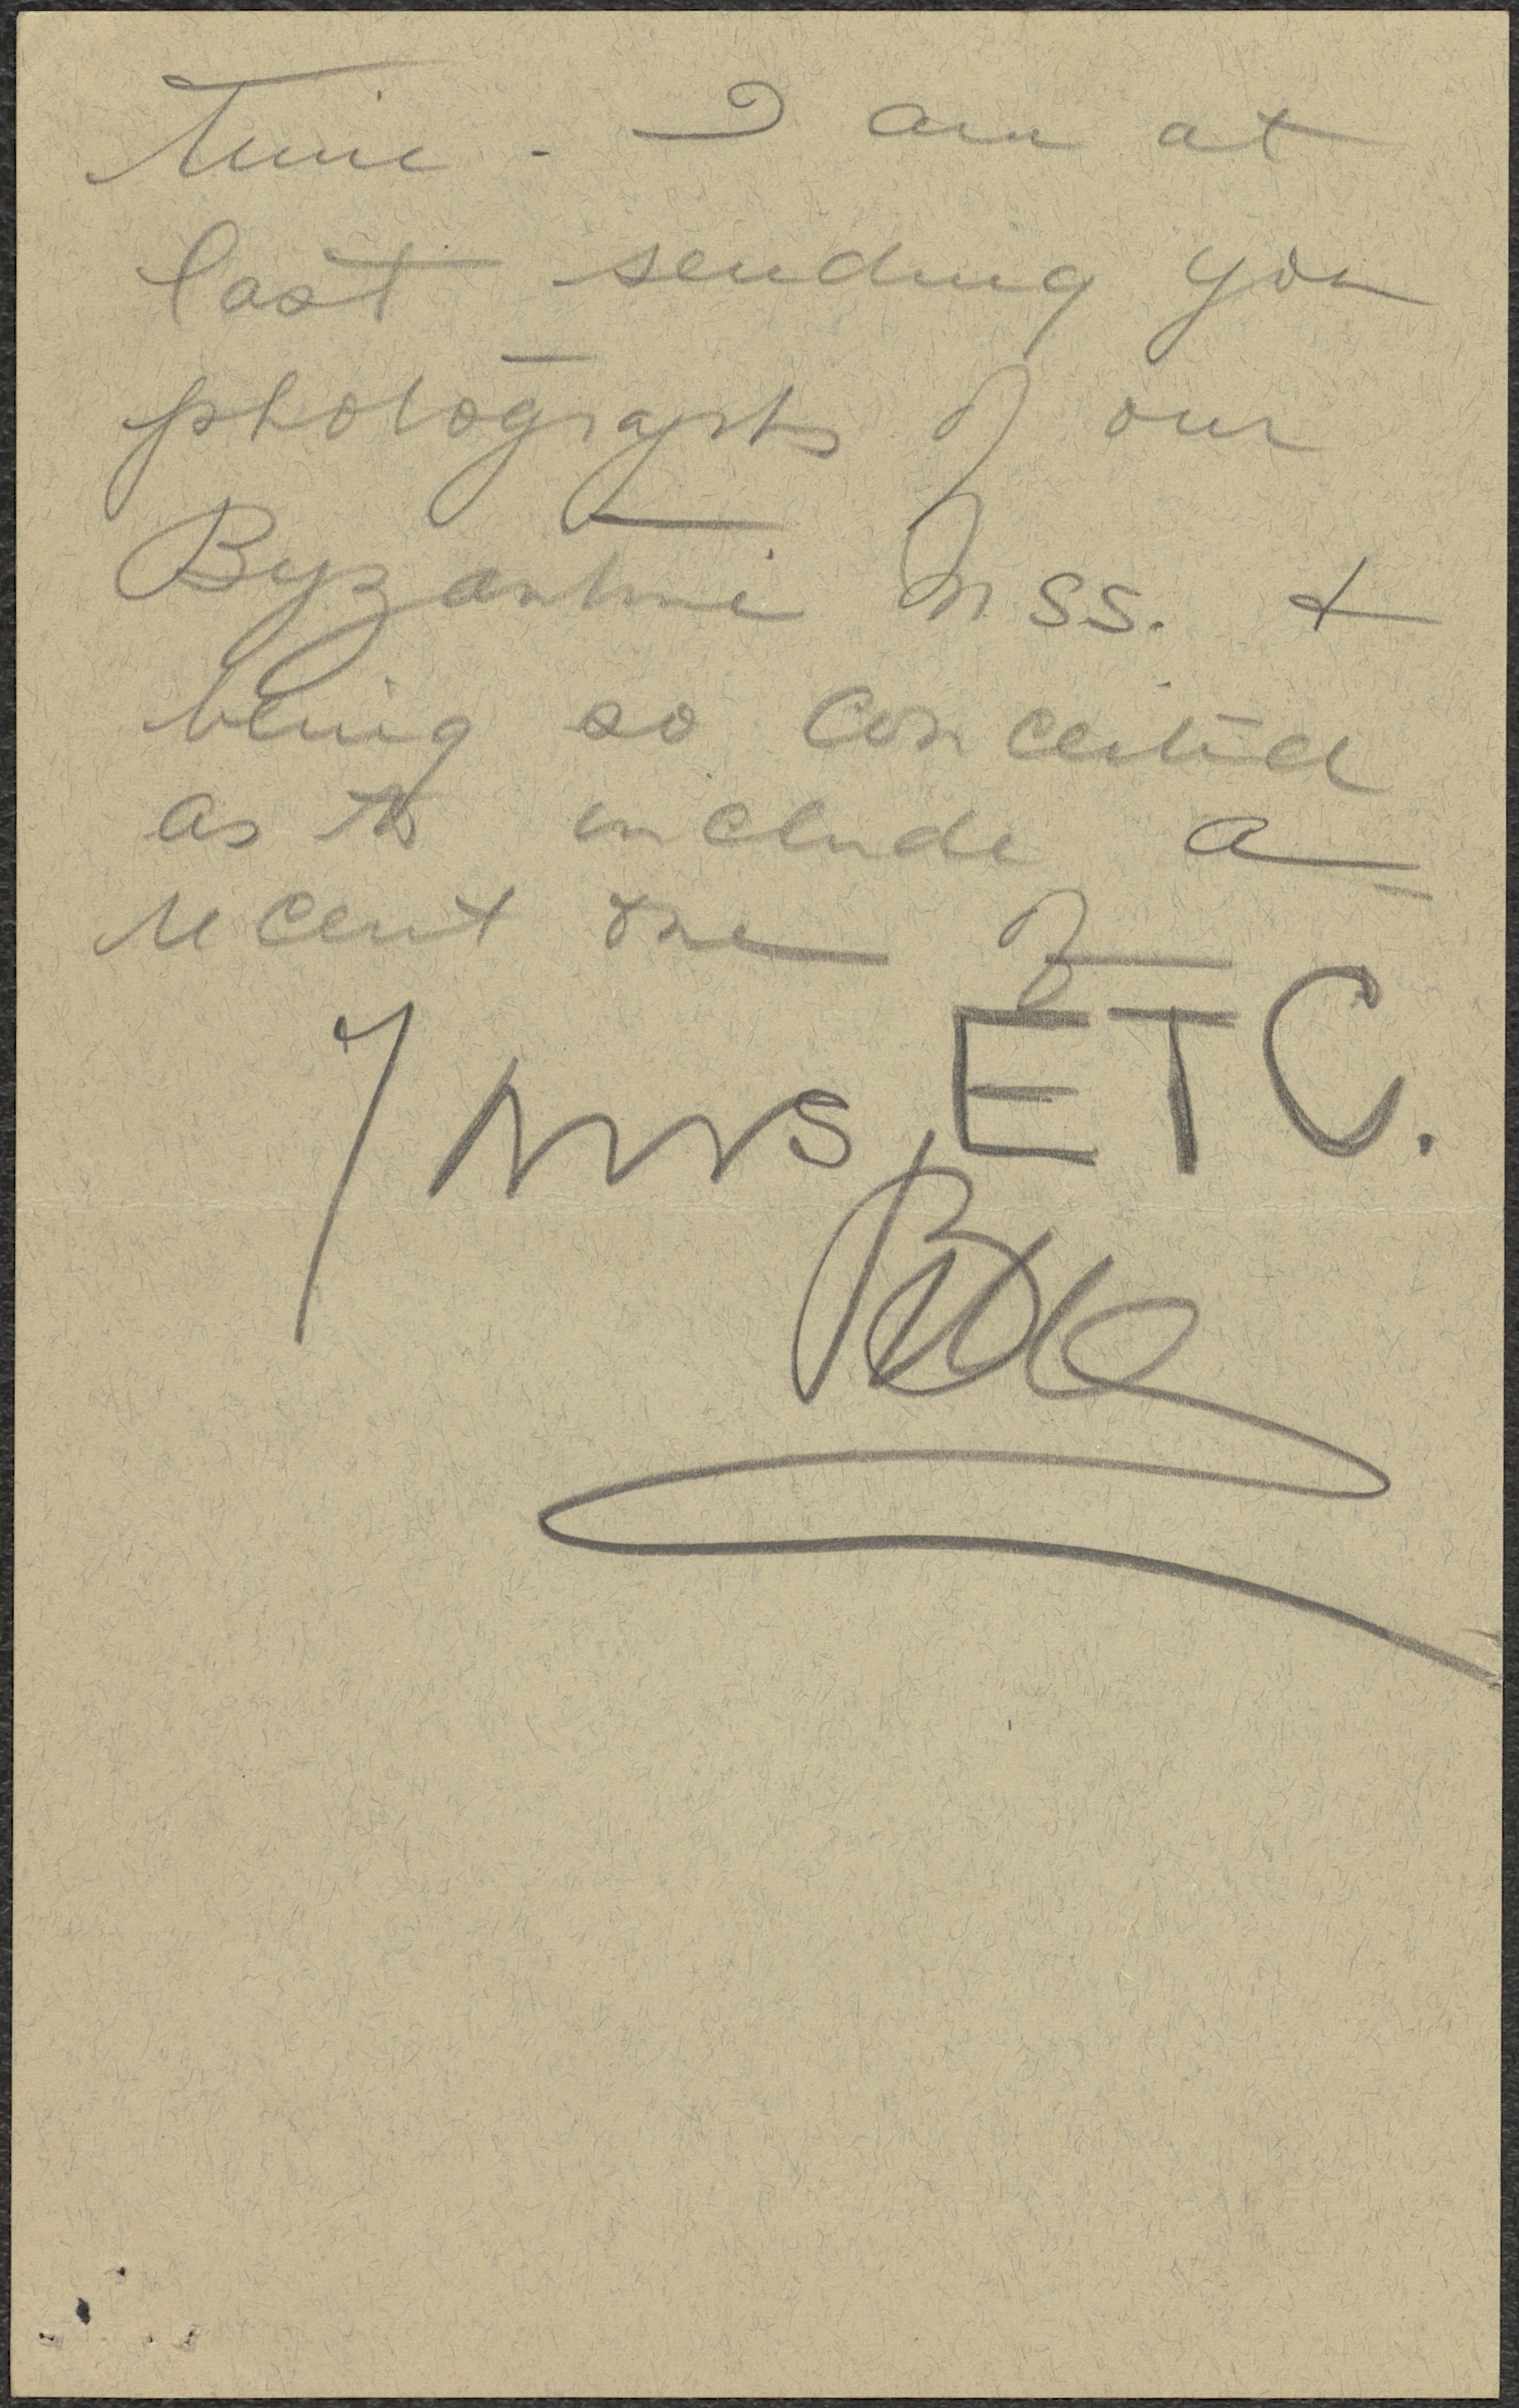time. I am at last sending you photographs of our Byzantine mss. & being so conceited as to include a recent one of
Yours ETC.
Belle